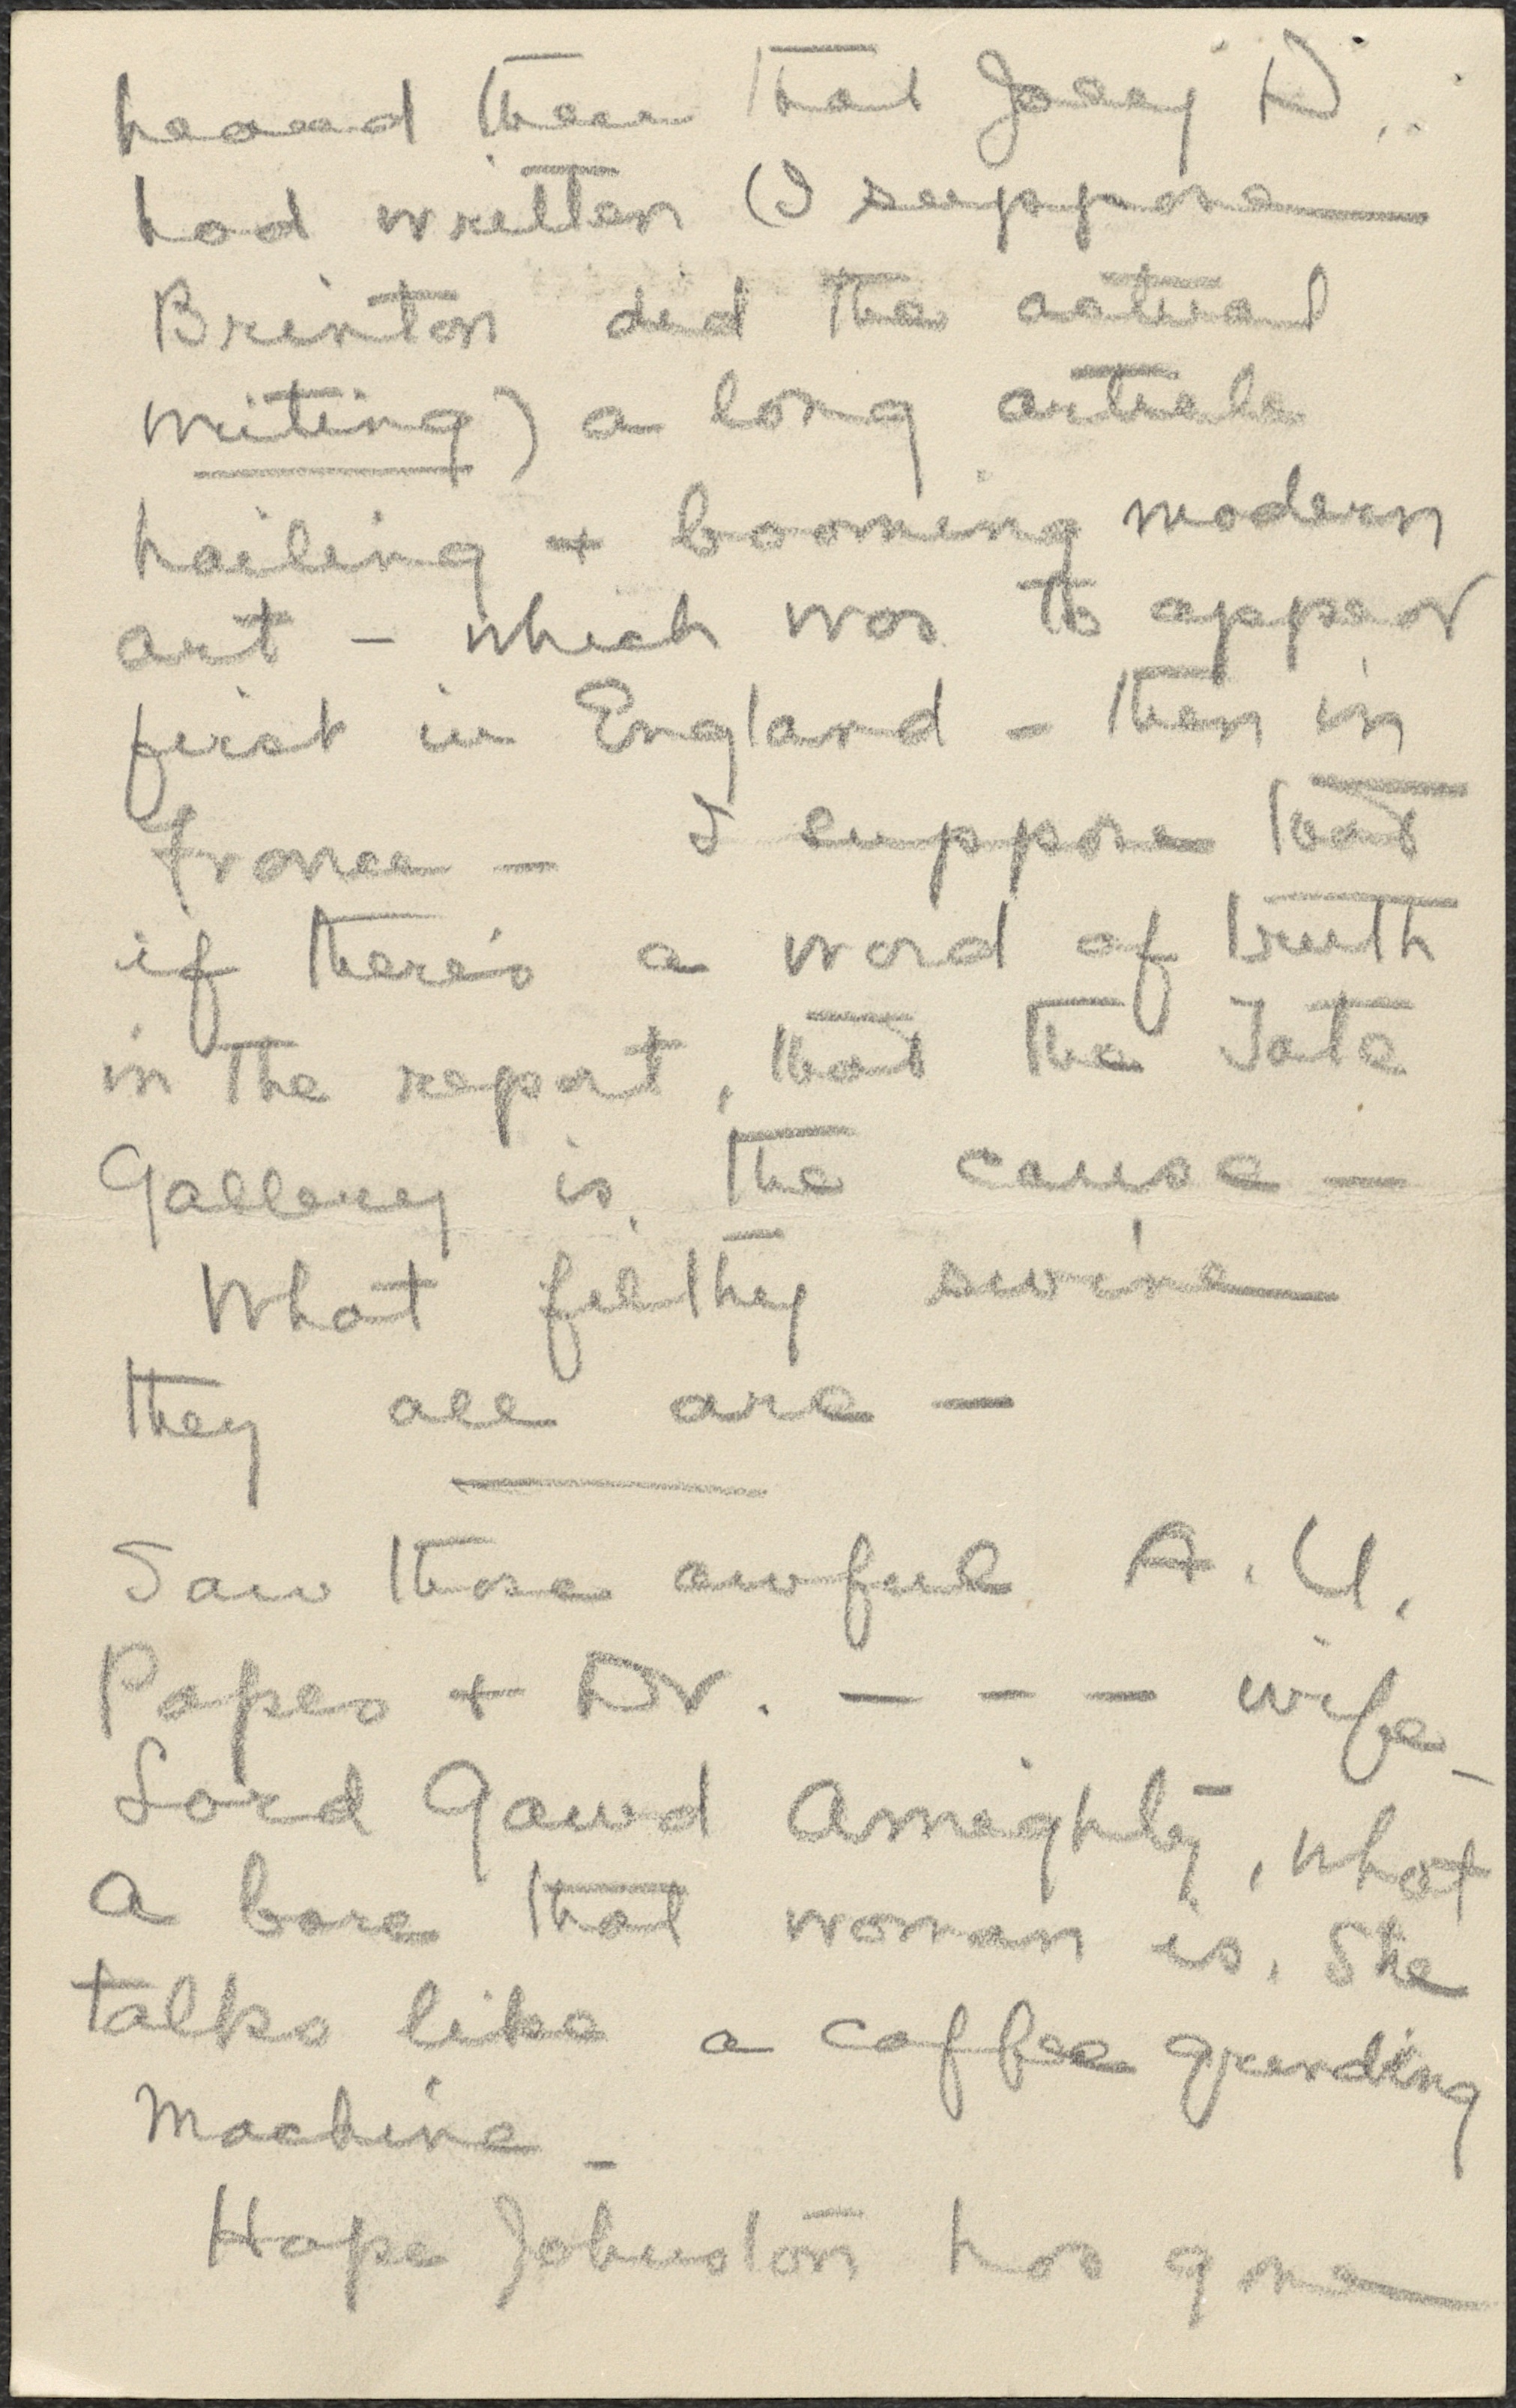heard there that Joey D had written (I suppose Brinton did the actual writing) a long article hailing & booming modern art – which was to appear first in England – then in France – I suppose that if there’s a word of truth in the report, that the Tate Gallery is the cause –
What filthy swine they all are –
Saw those awful A.U. Popes & Dr. – – – wife – Lord Gawd Amighty [sic], what a bore that woman is. She talks like a coffee grinding machine –
Hope Johnston has gone